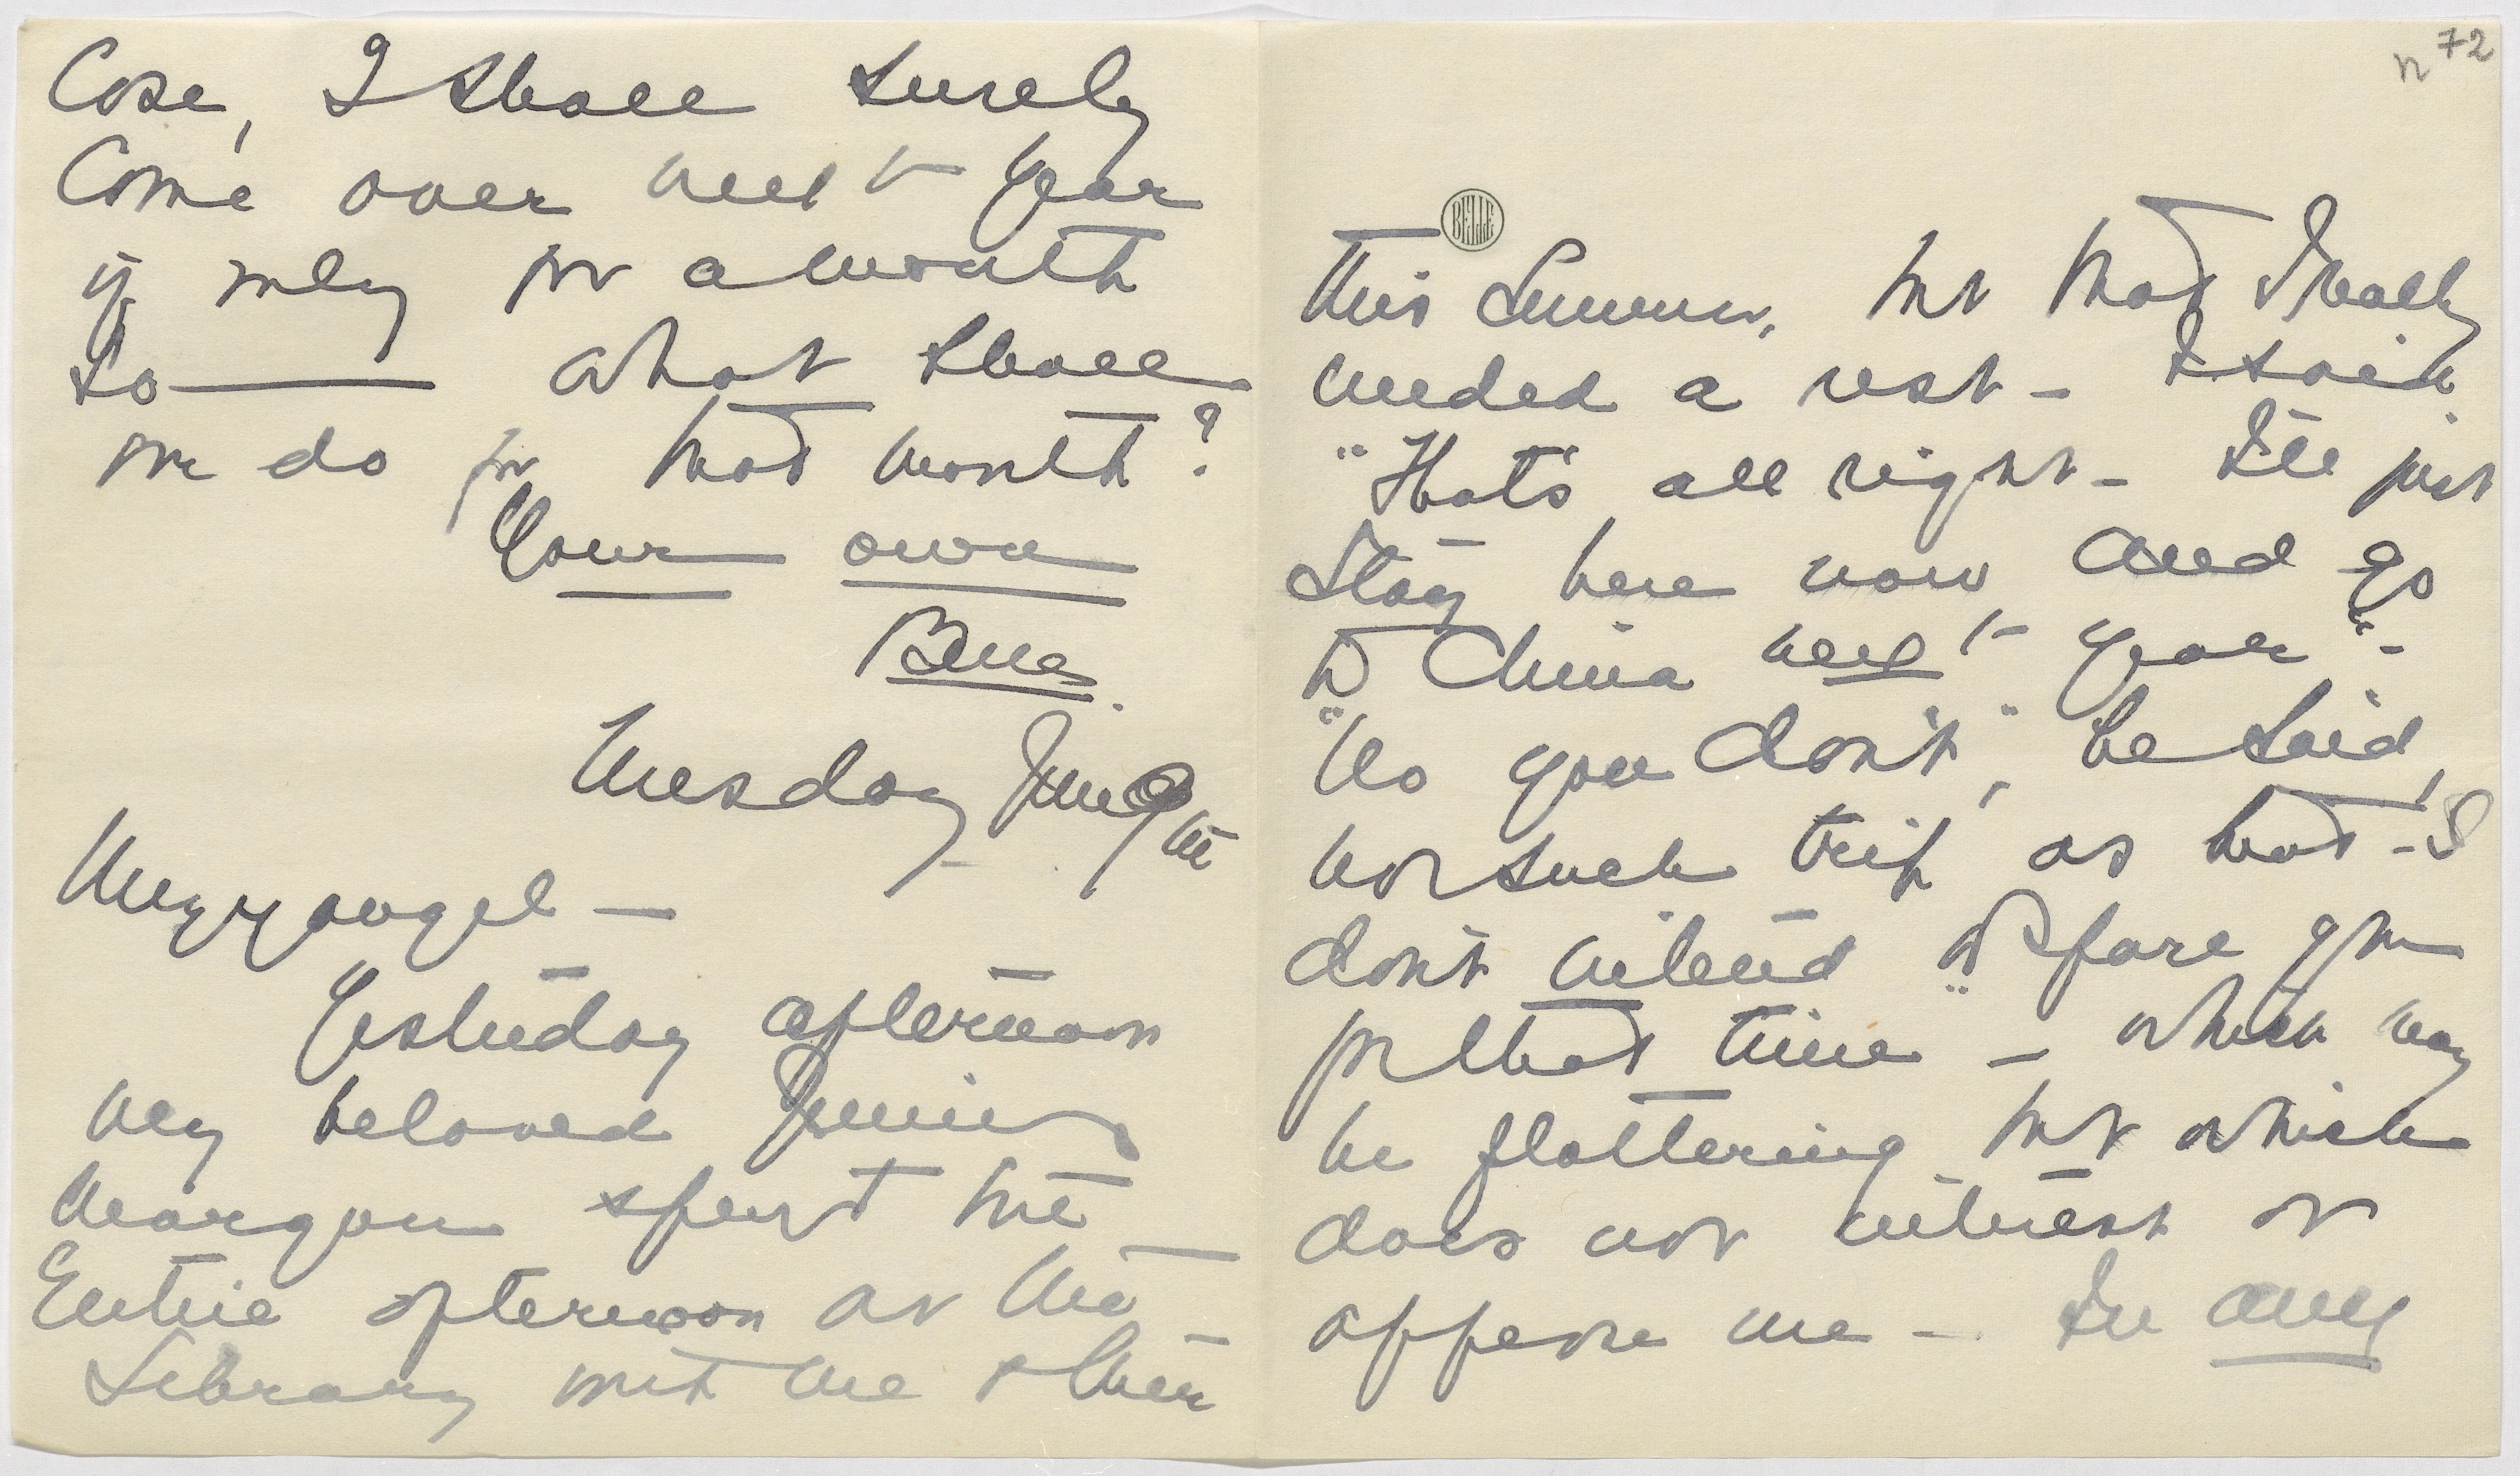this Summer, but that I really needed a rest – I said “That’s all right – I’ll just stay here now and go to China next year” – “No you don’t,” he said, no such trip as that – I don’t intend to spare you for that time – which may be flattering but which does not interest or appease me – In any
case, I shall surely come over next year if only for a month
So – what shall we do for that month?
Your own
Belle
Tuesday June 9th
My angel –
Yesterday afternoon my beloved Junius Morgan spent the entire afternoon at the Library with me & then